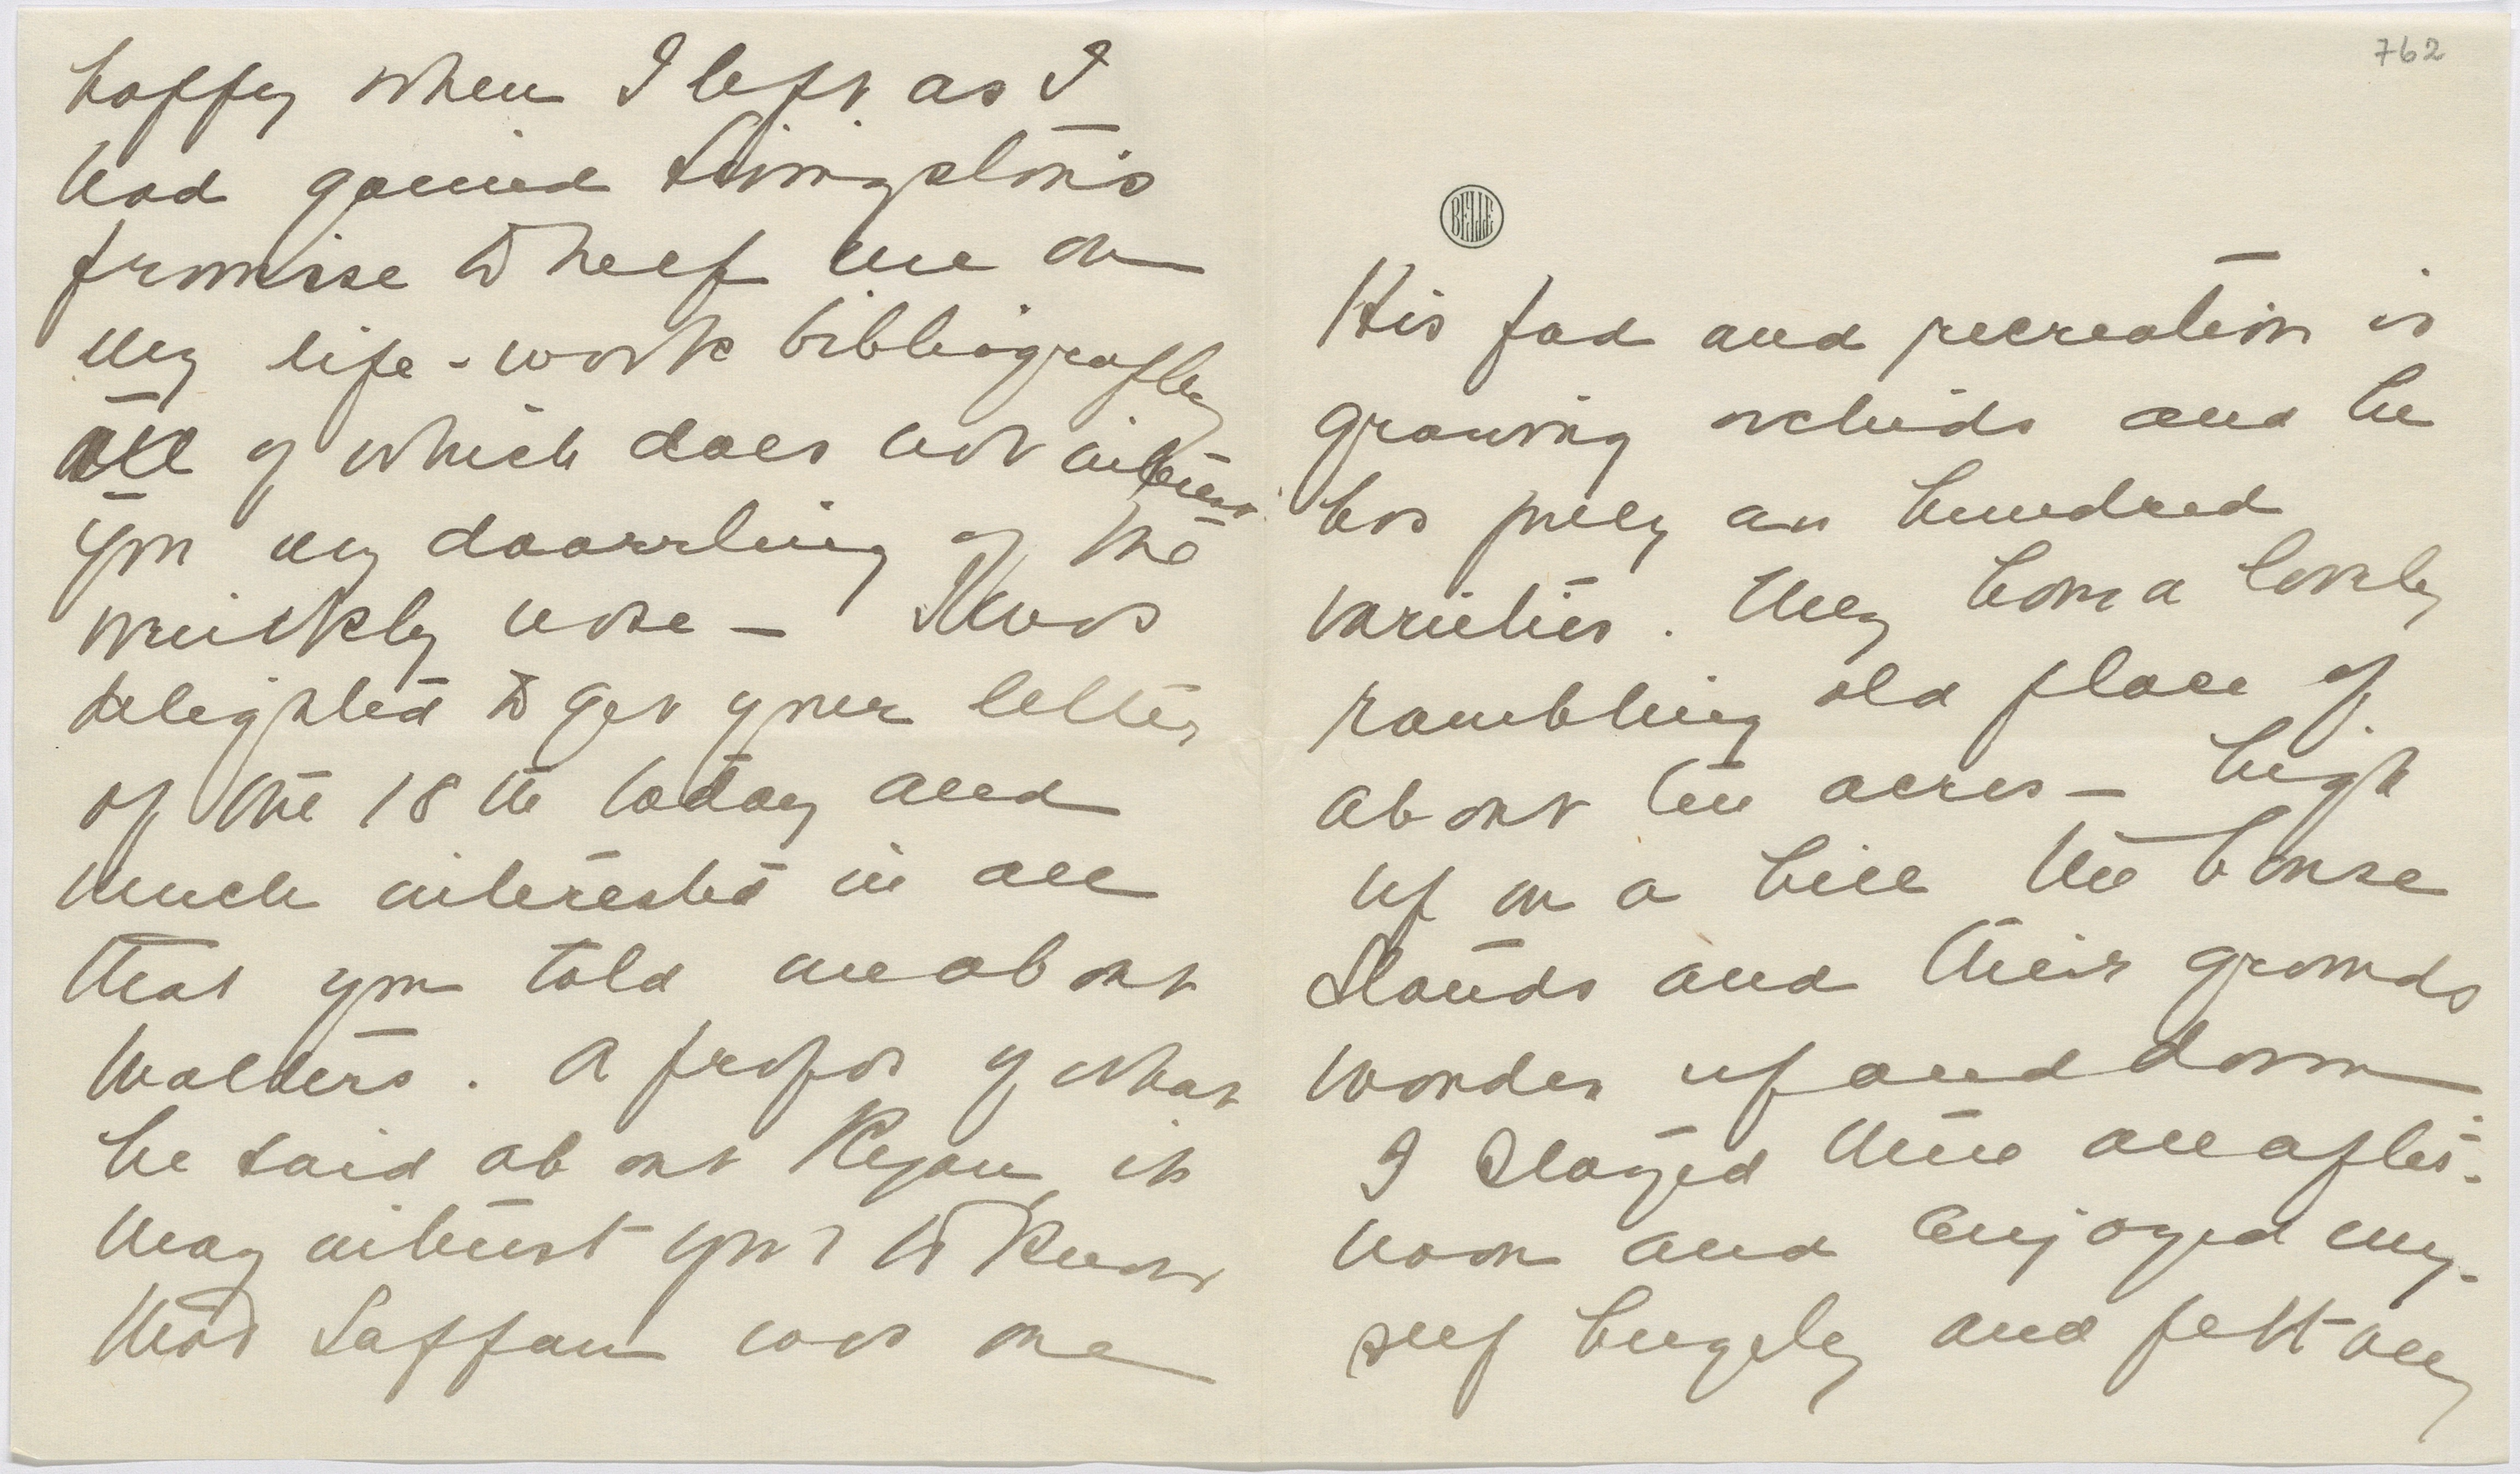His fad and recreation is growing orchids and he has fully an hundred varieties. They have a lovely rambling old place of about ten acres – high up on a hill the house stands and their grounds wander up and down I stayed there all afternoon and enjoyed myself hugely and felt very
happy when I left as I had gained Livingston’s promise to help me on my life-work bibliography all of which does not interest you my daarrling of the wrinkly nose – I was delighted to get your letter of the 18th today and much interested in all that you told me about Walters. A propos of what he said about Ryan it may interest you to know that Laffan was one